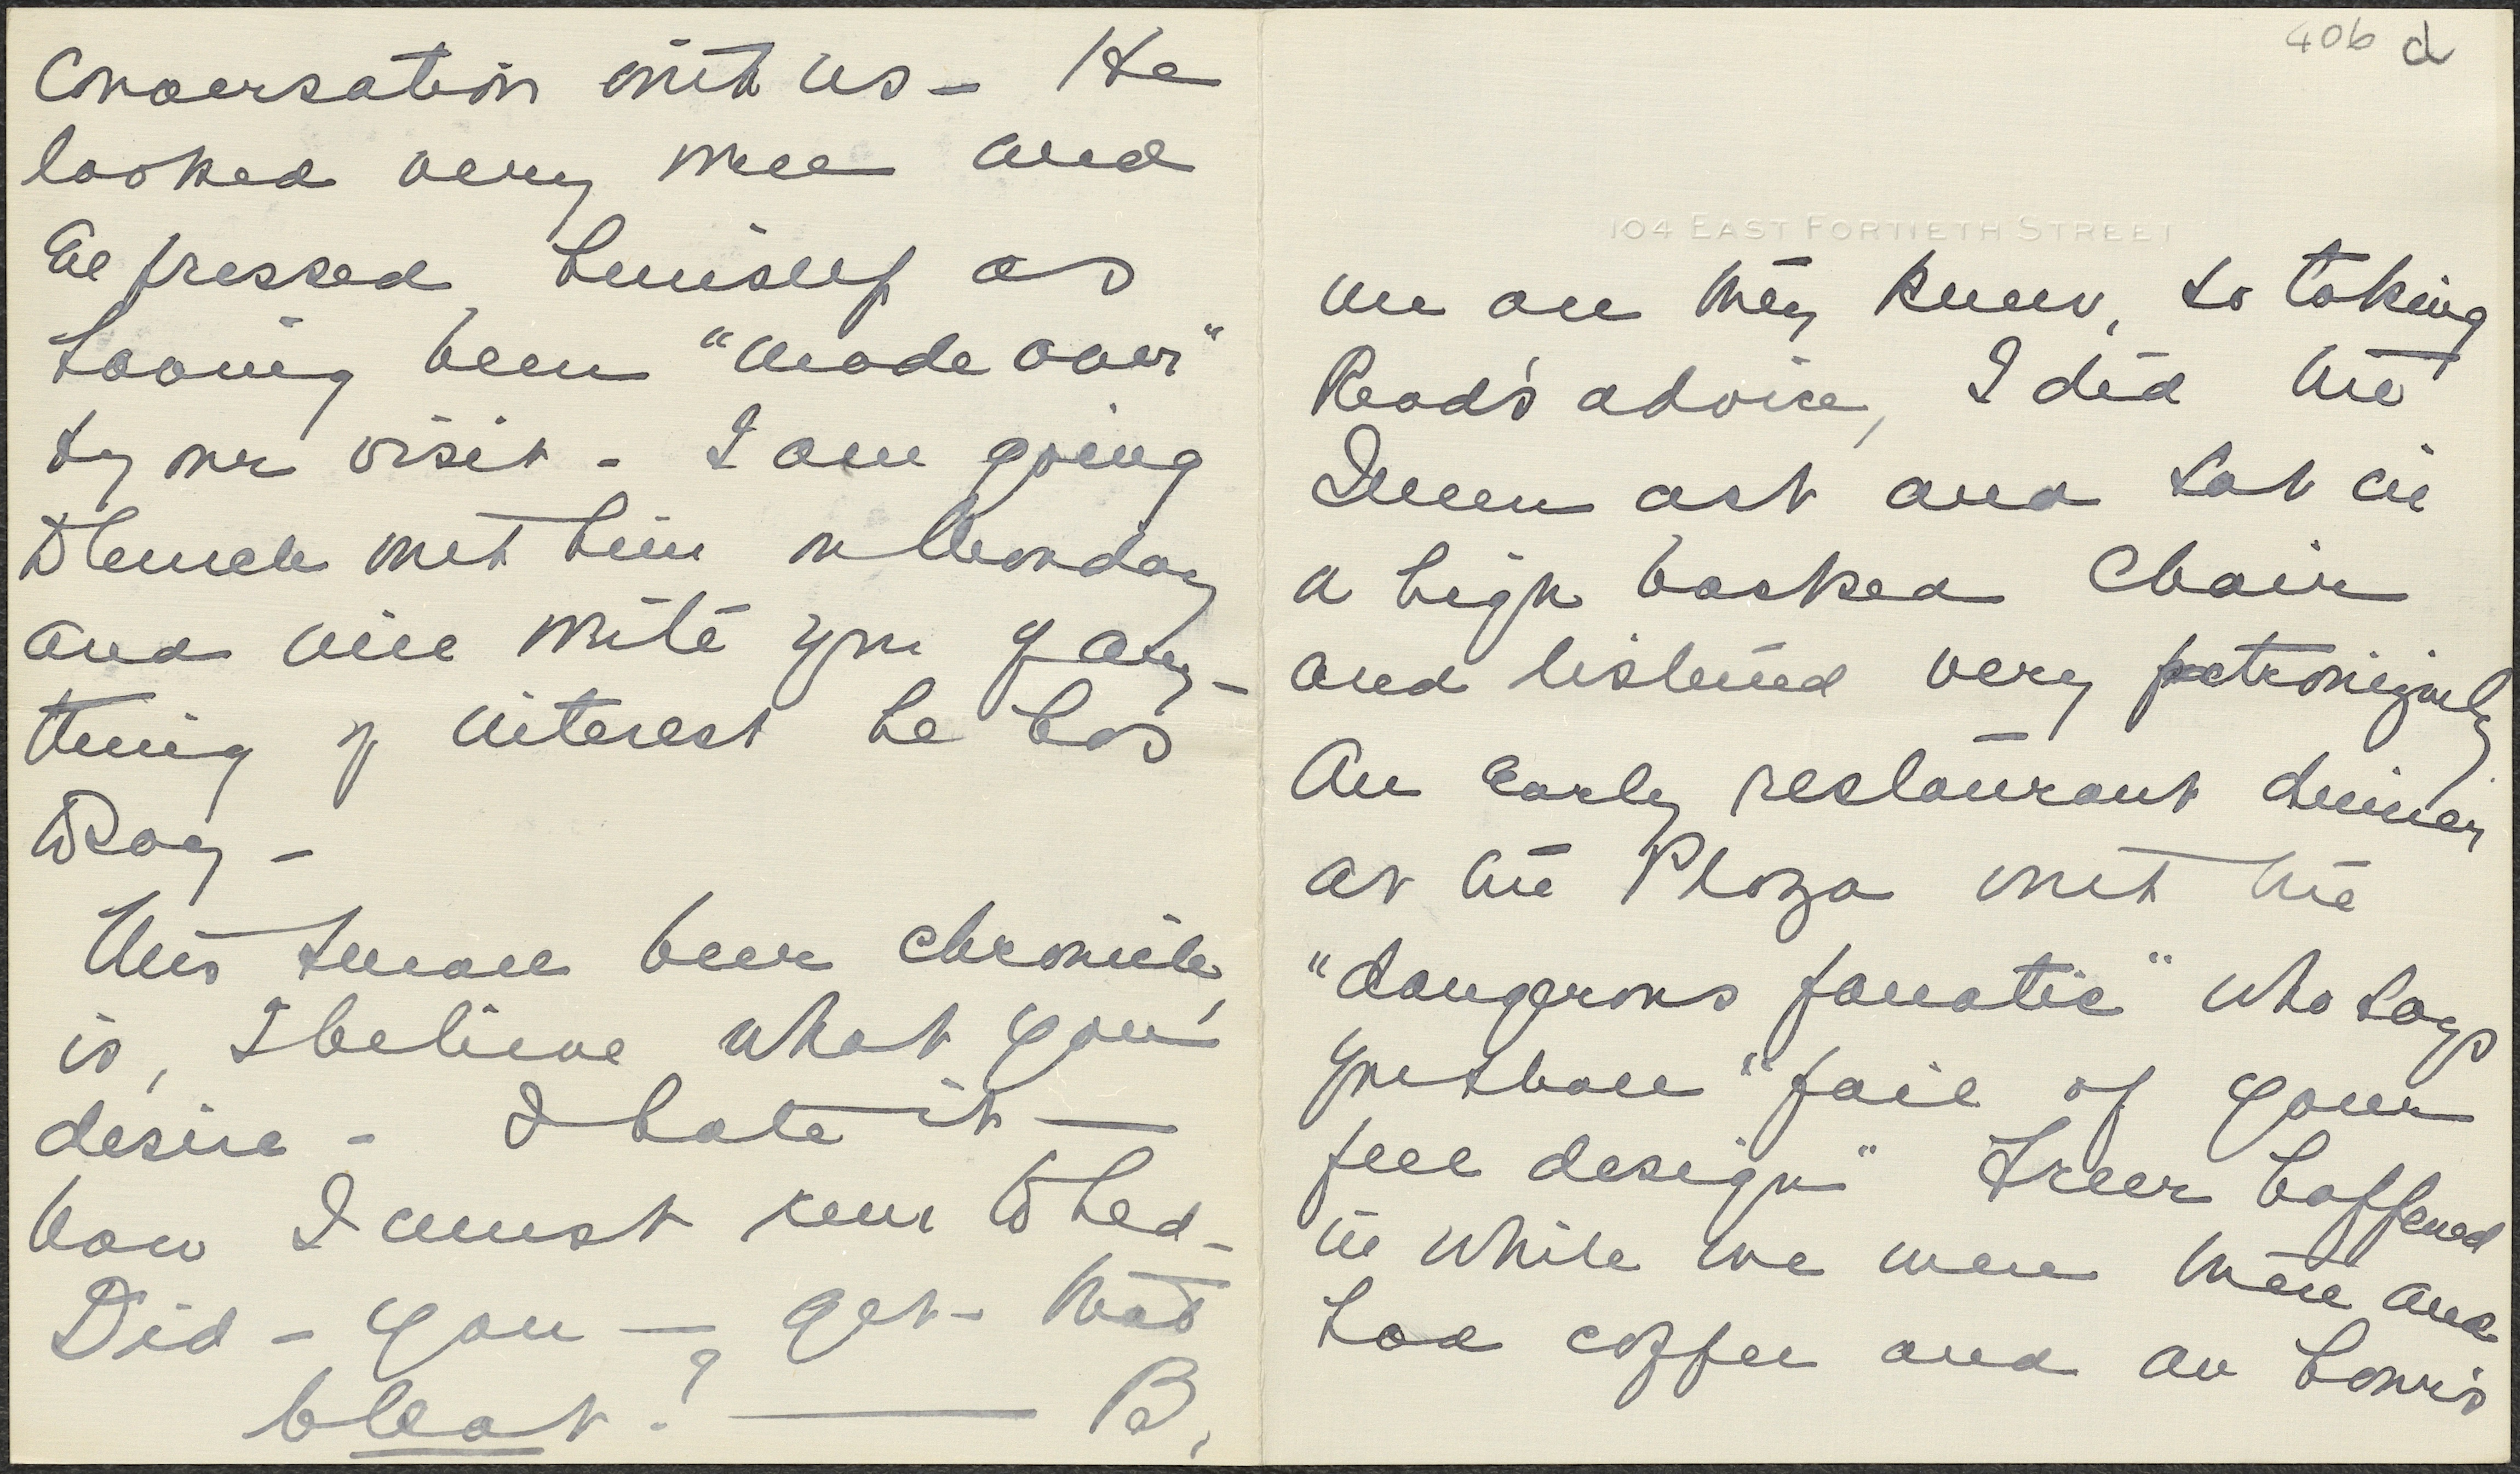me all they knew, so taking Read’s advice, I did the Queen act and sat in a high backed chair and listened very patronizingly. An early restaurant dinner at the Plaza with the “dangerous fanatic” who says you shall “fail of your fell design” Freer happened in while we were there and had coffee and an hour’s
conversation with us – he looked very well and expressed himself as having been “made over” by our visit – I am going to lunch with him on Monday and will write you of anything of interest he has to say –
This small beer chronicle is, I believe what you desire – I hate it – Now I must run to bed –
Did – you – get – that bleat? –B.